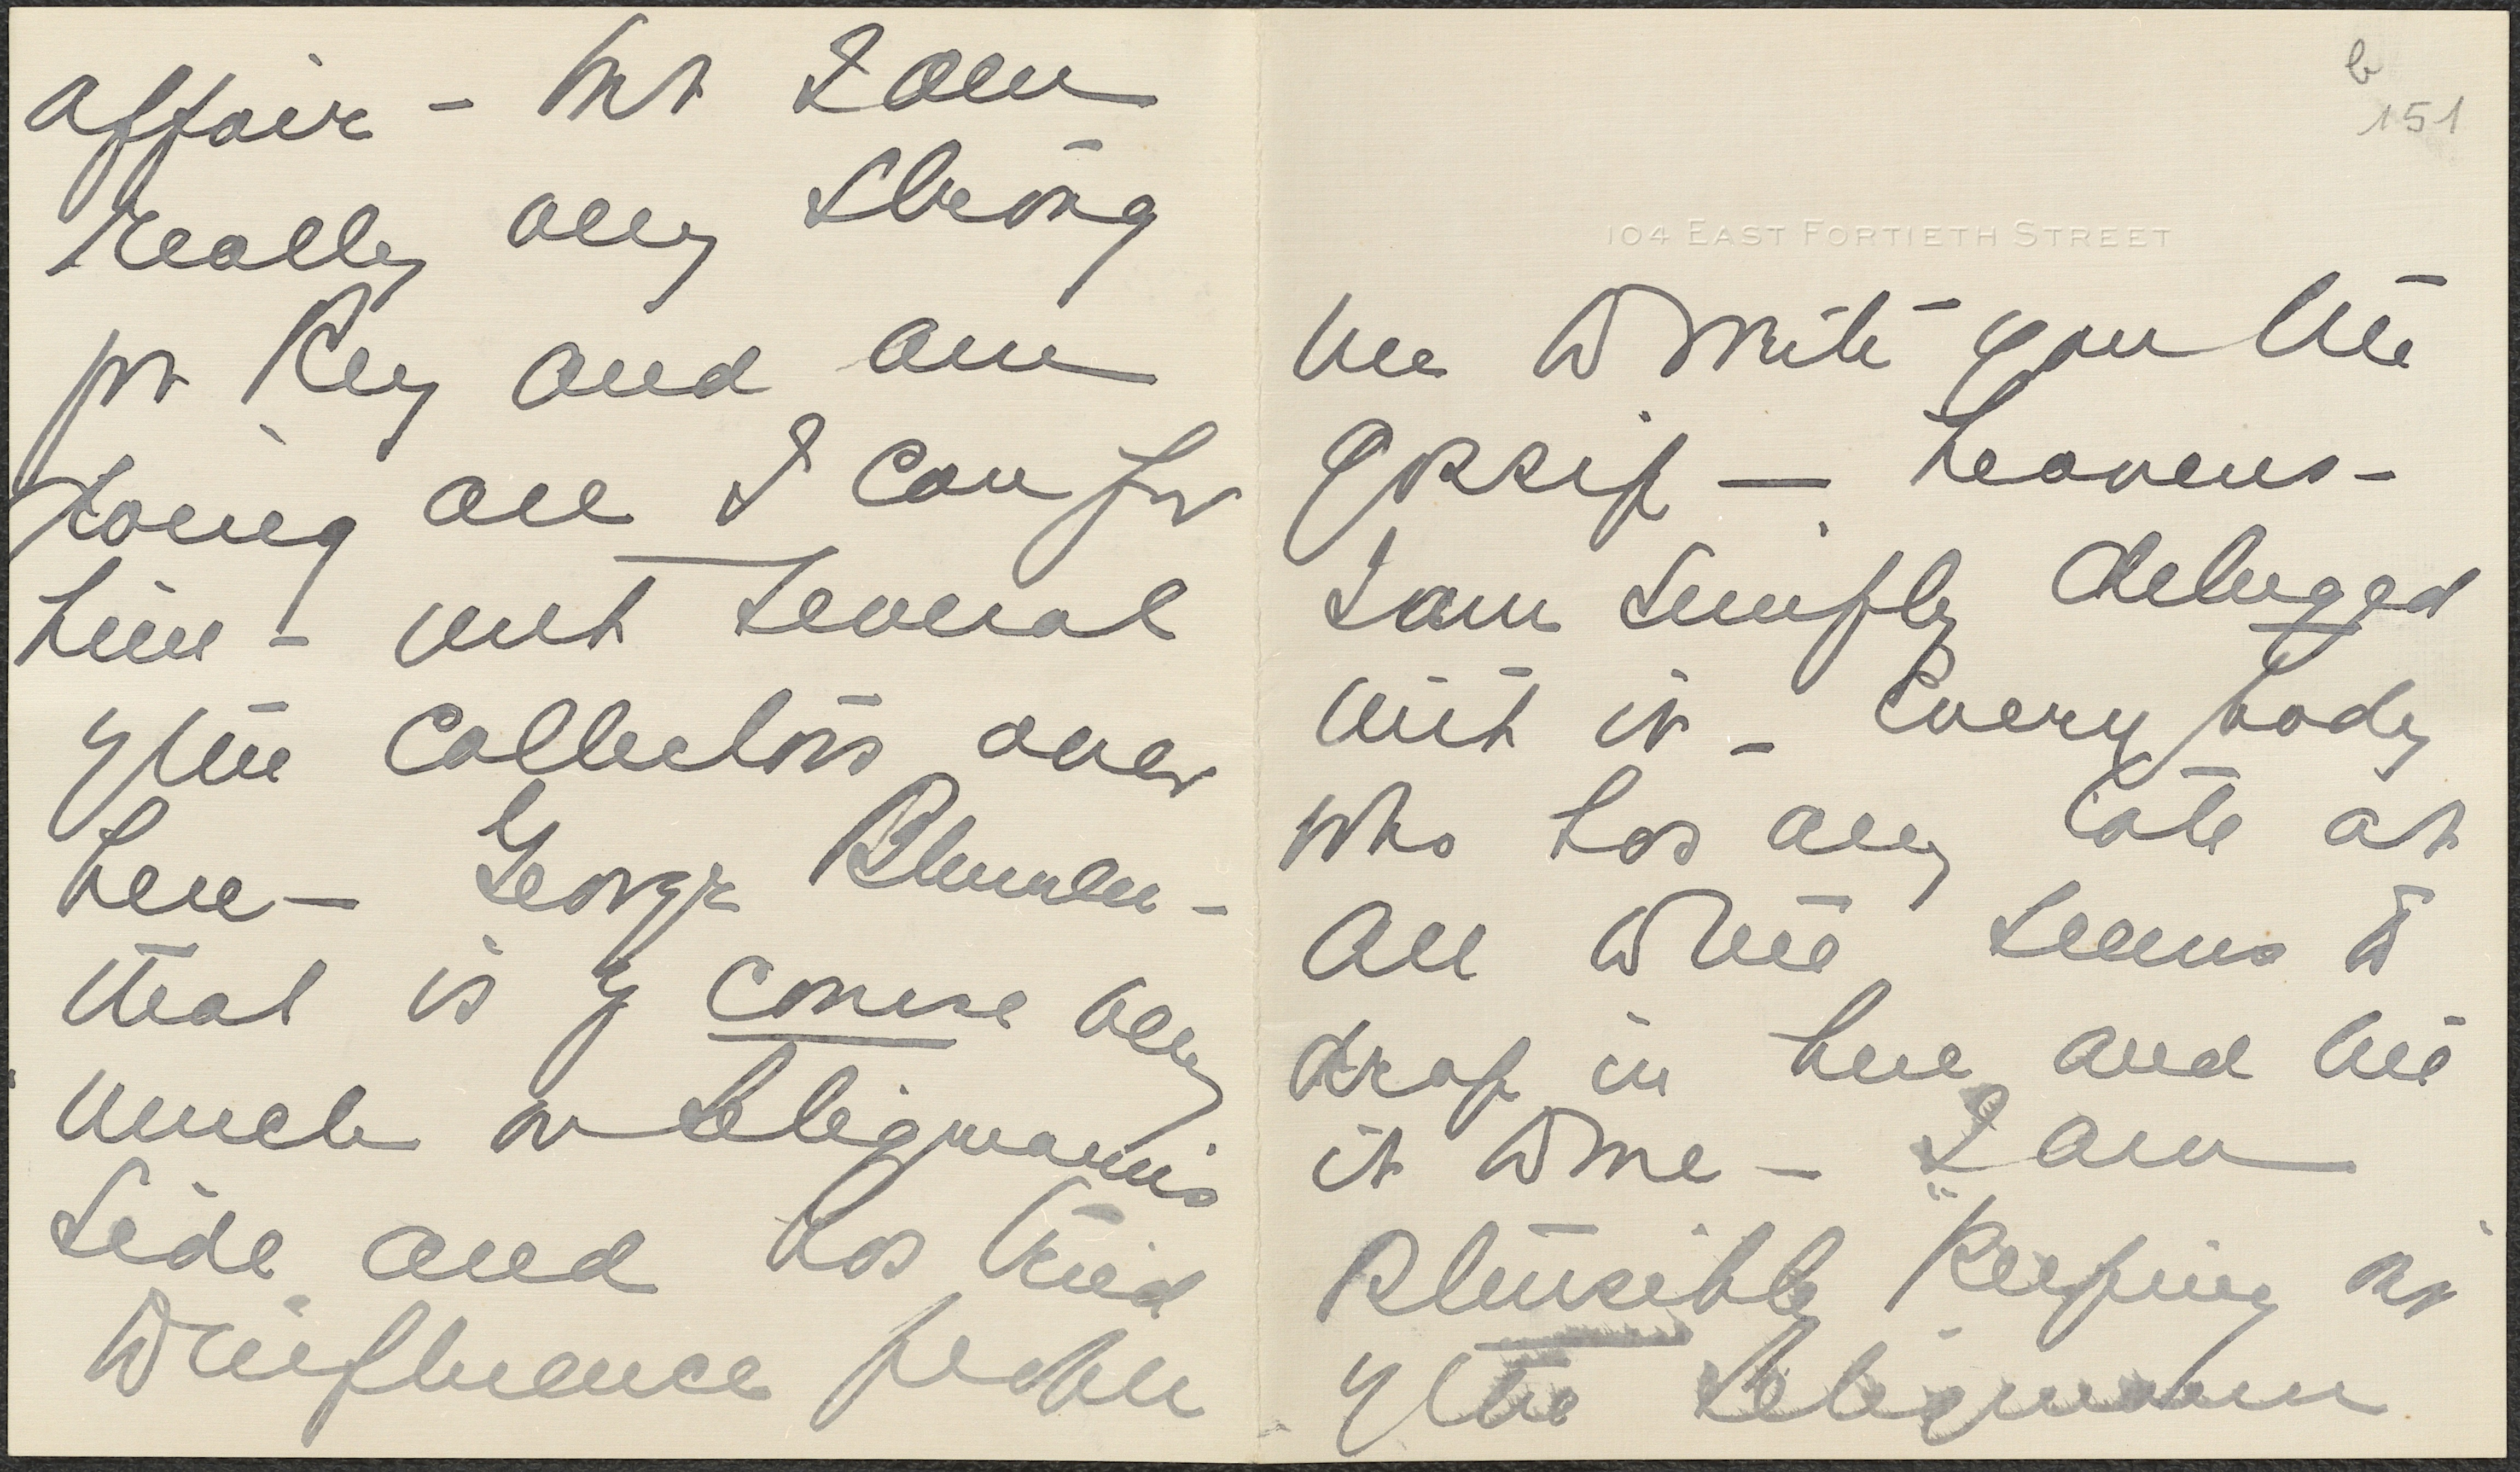me to write you the gossip – heavens – I am simply deluged with it – everybody who has any tale at all to tell seems to drop in here and tell it to me – I am ostensibly keeping out if the Seligmann
affair – but I am really very strong for Rey and am doing all I can for him – with several of the collections over here – George Blumenthal is of course very much on Seligmann’s side and has tried to influence people